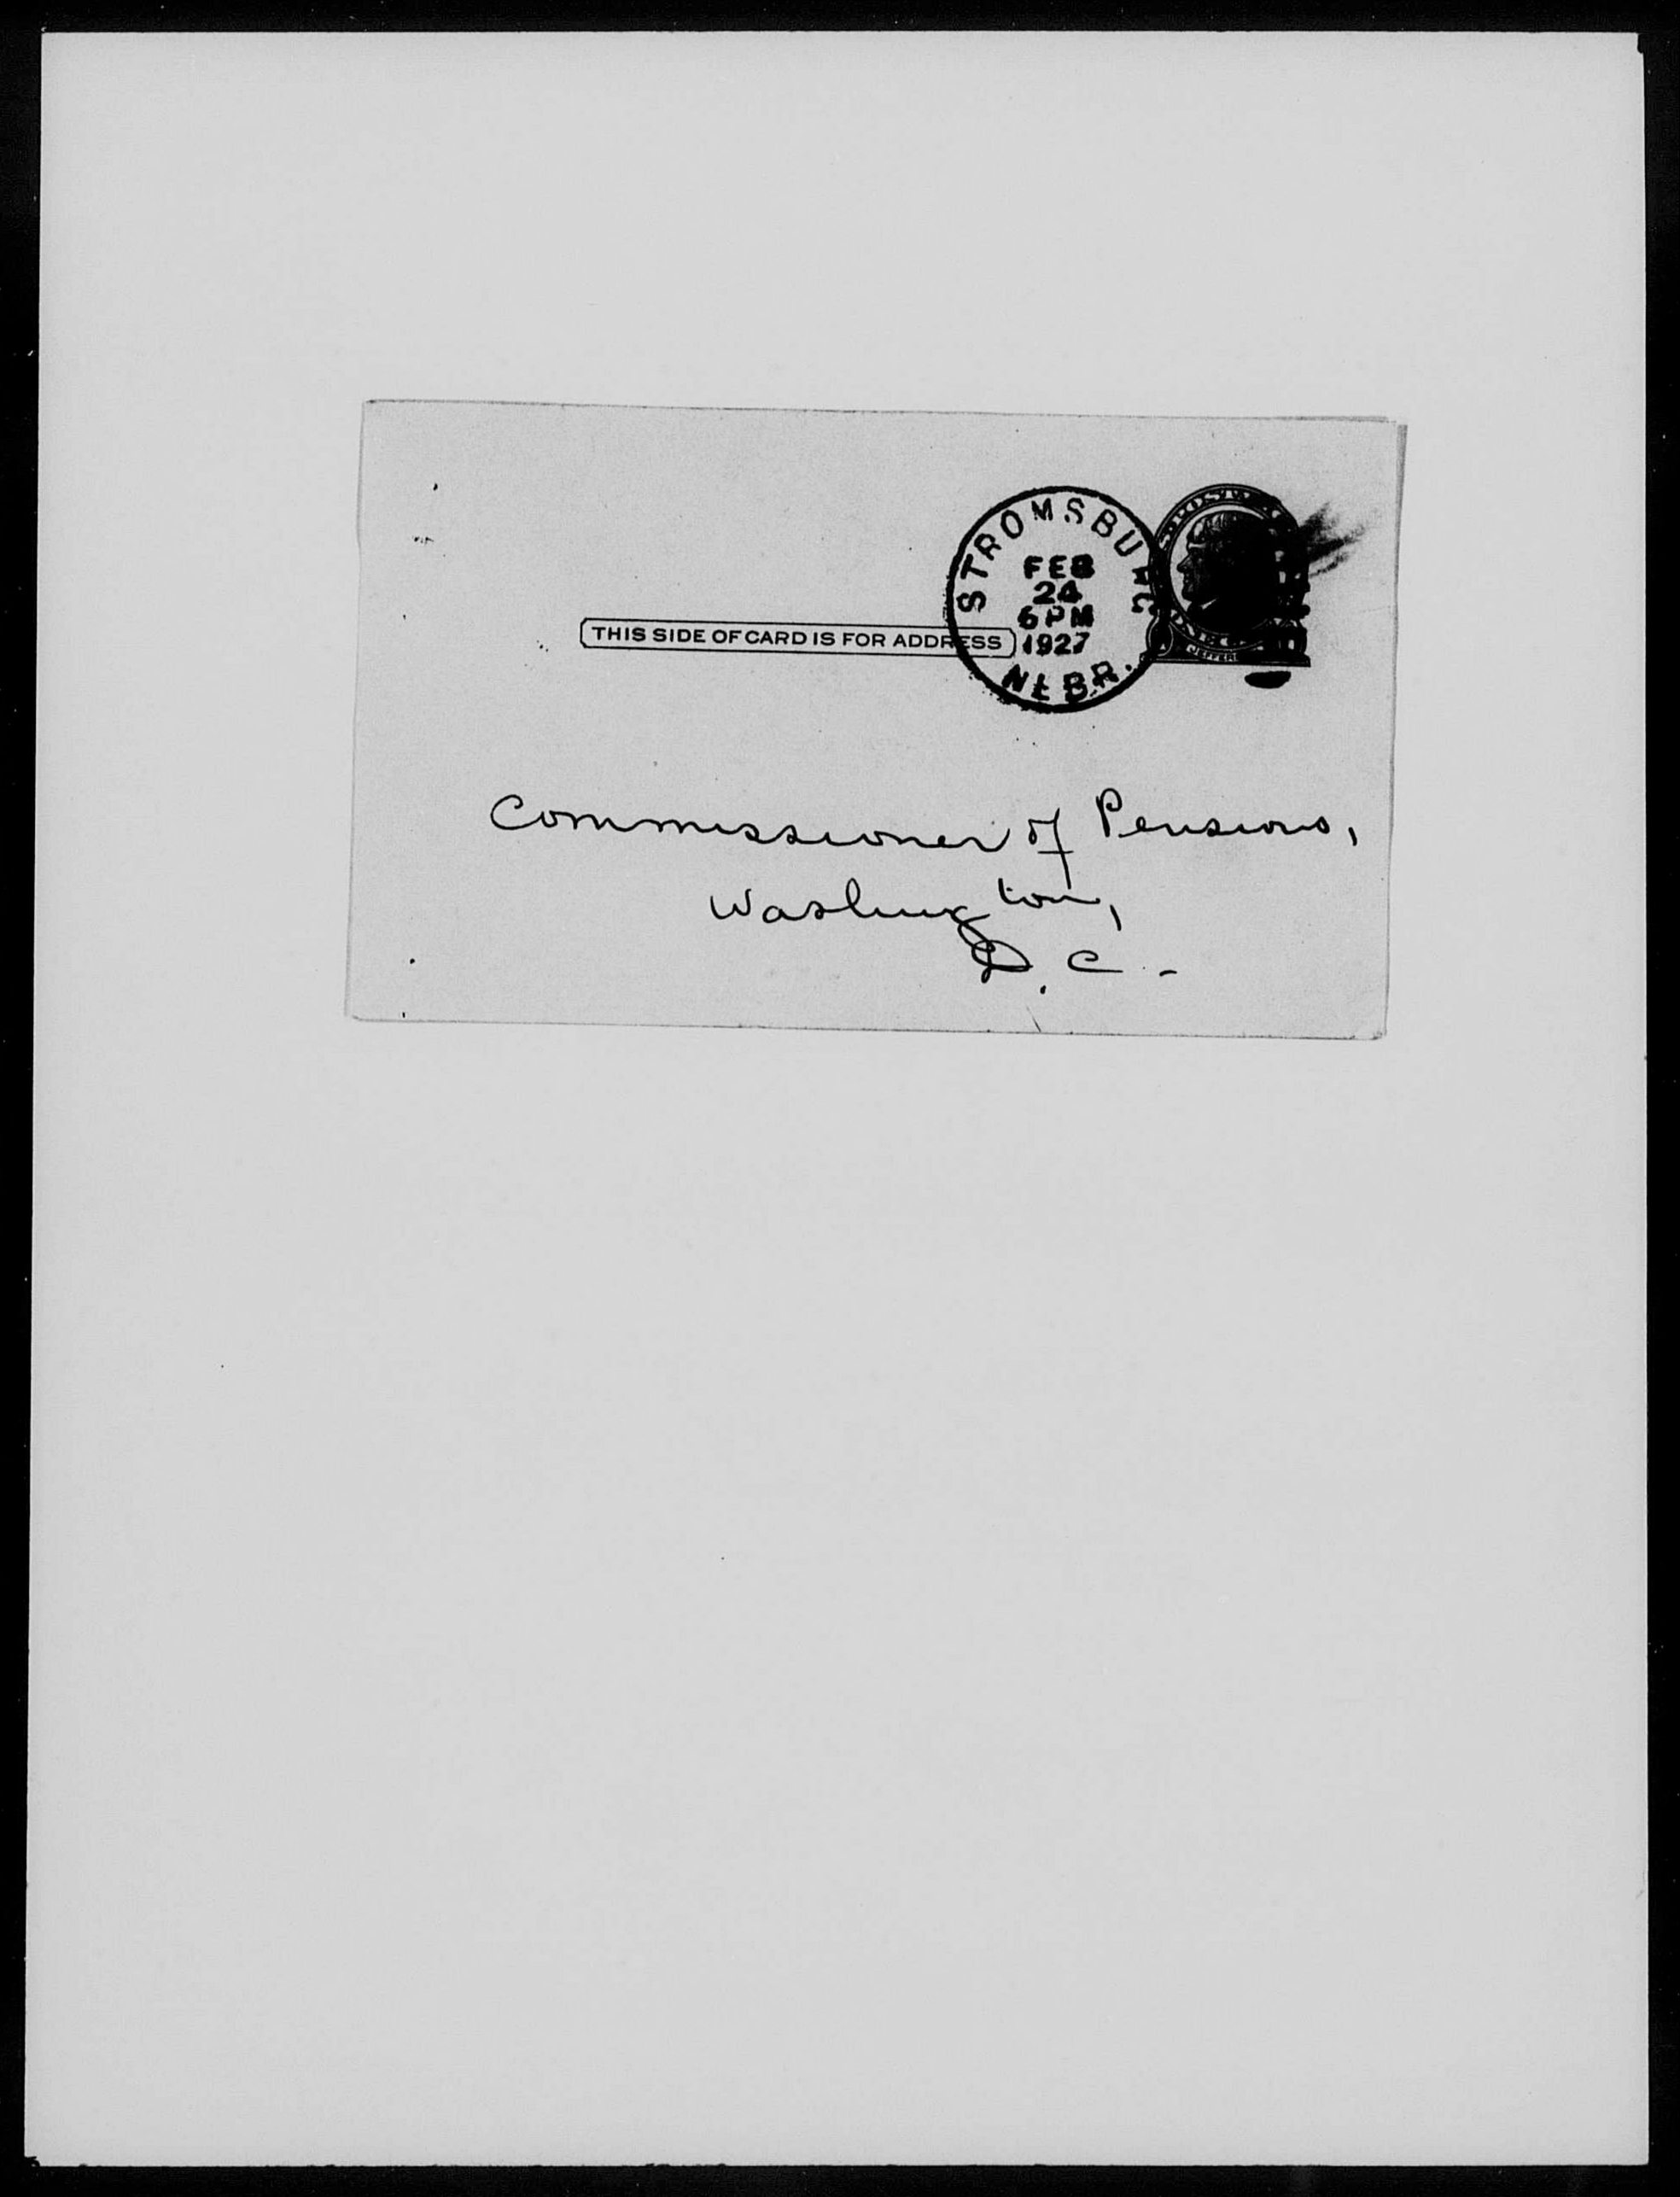[stamped] (STROMSBURG NEBR.
FEB 24 6PM 1927
THIS SIDE OF CARD IS FOR ADDRESS)

Company of Pensions
Washington, D.C.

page: 19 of 29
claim: survivor's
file: S. 23618, Philip Emerick, Penn.